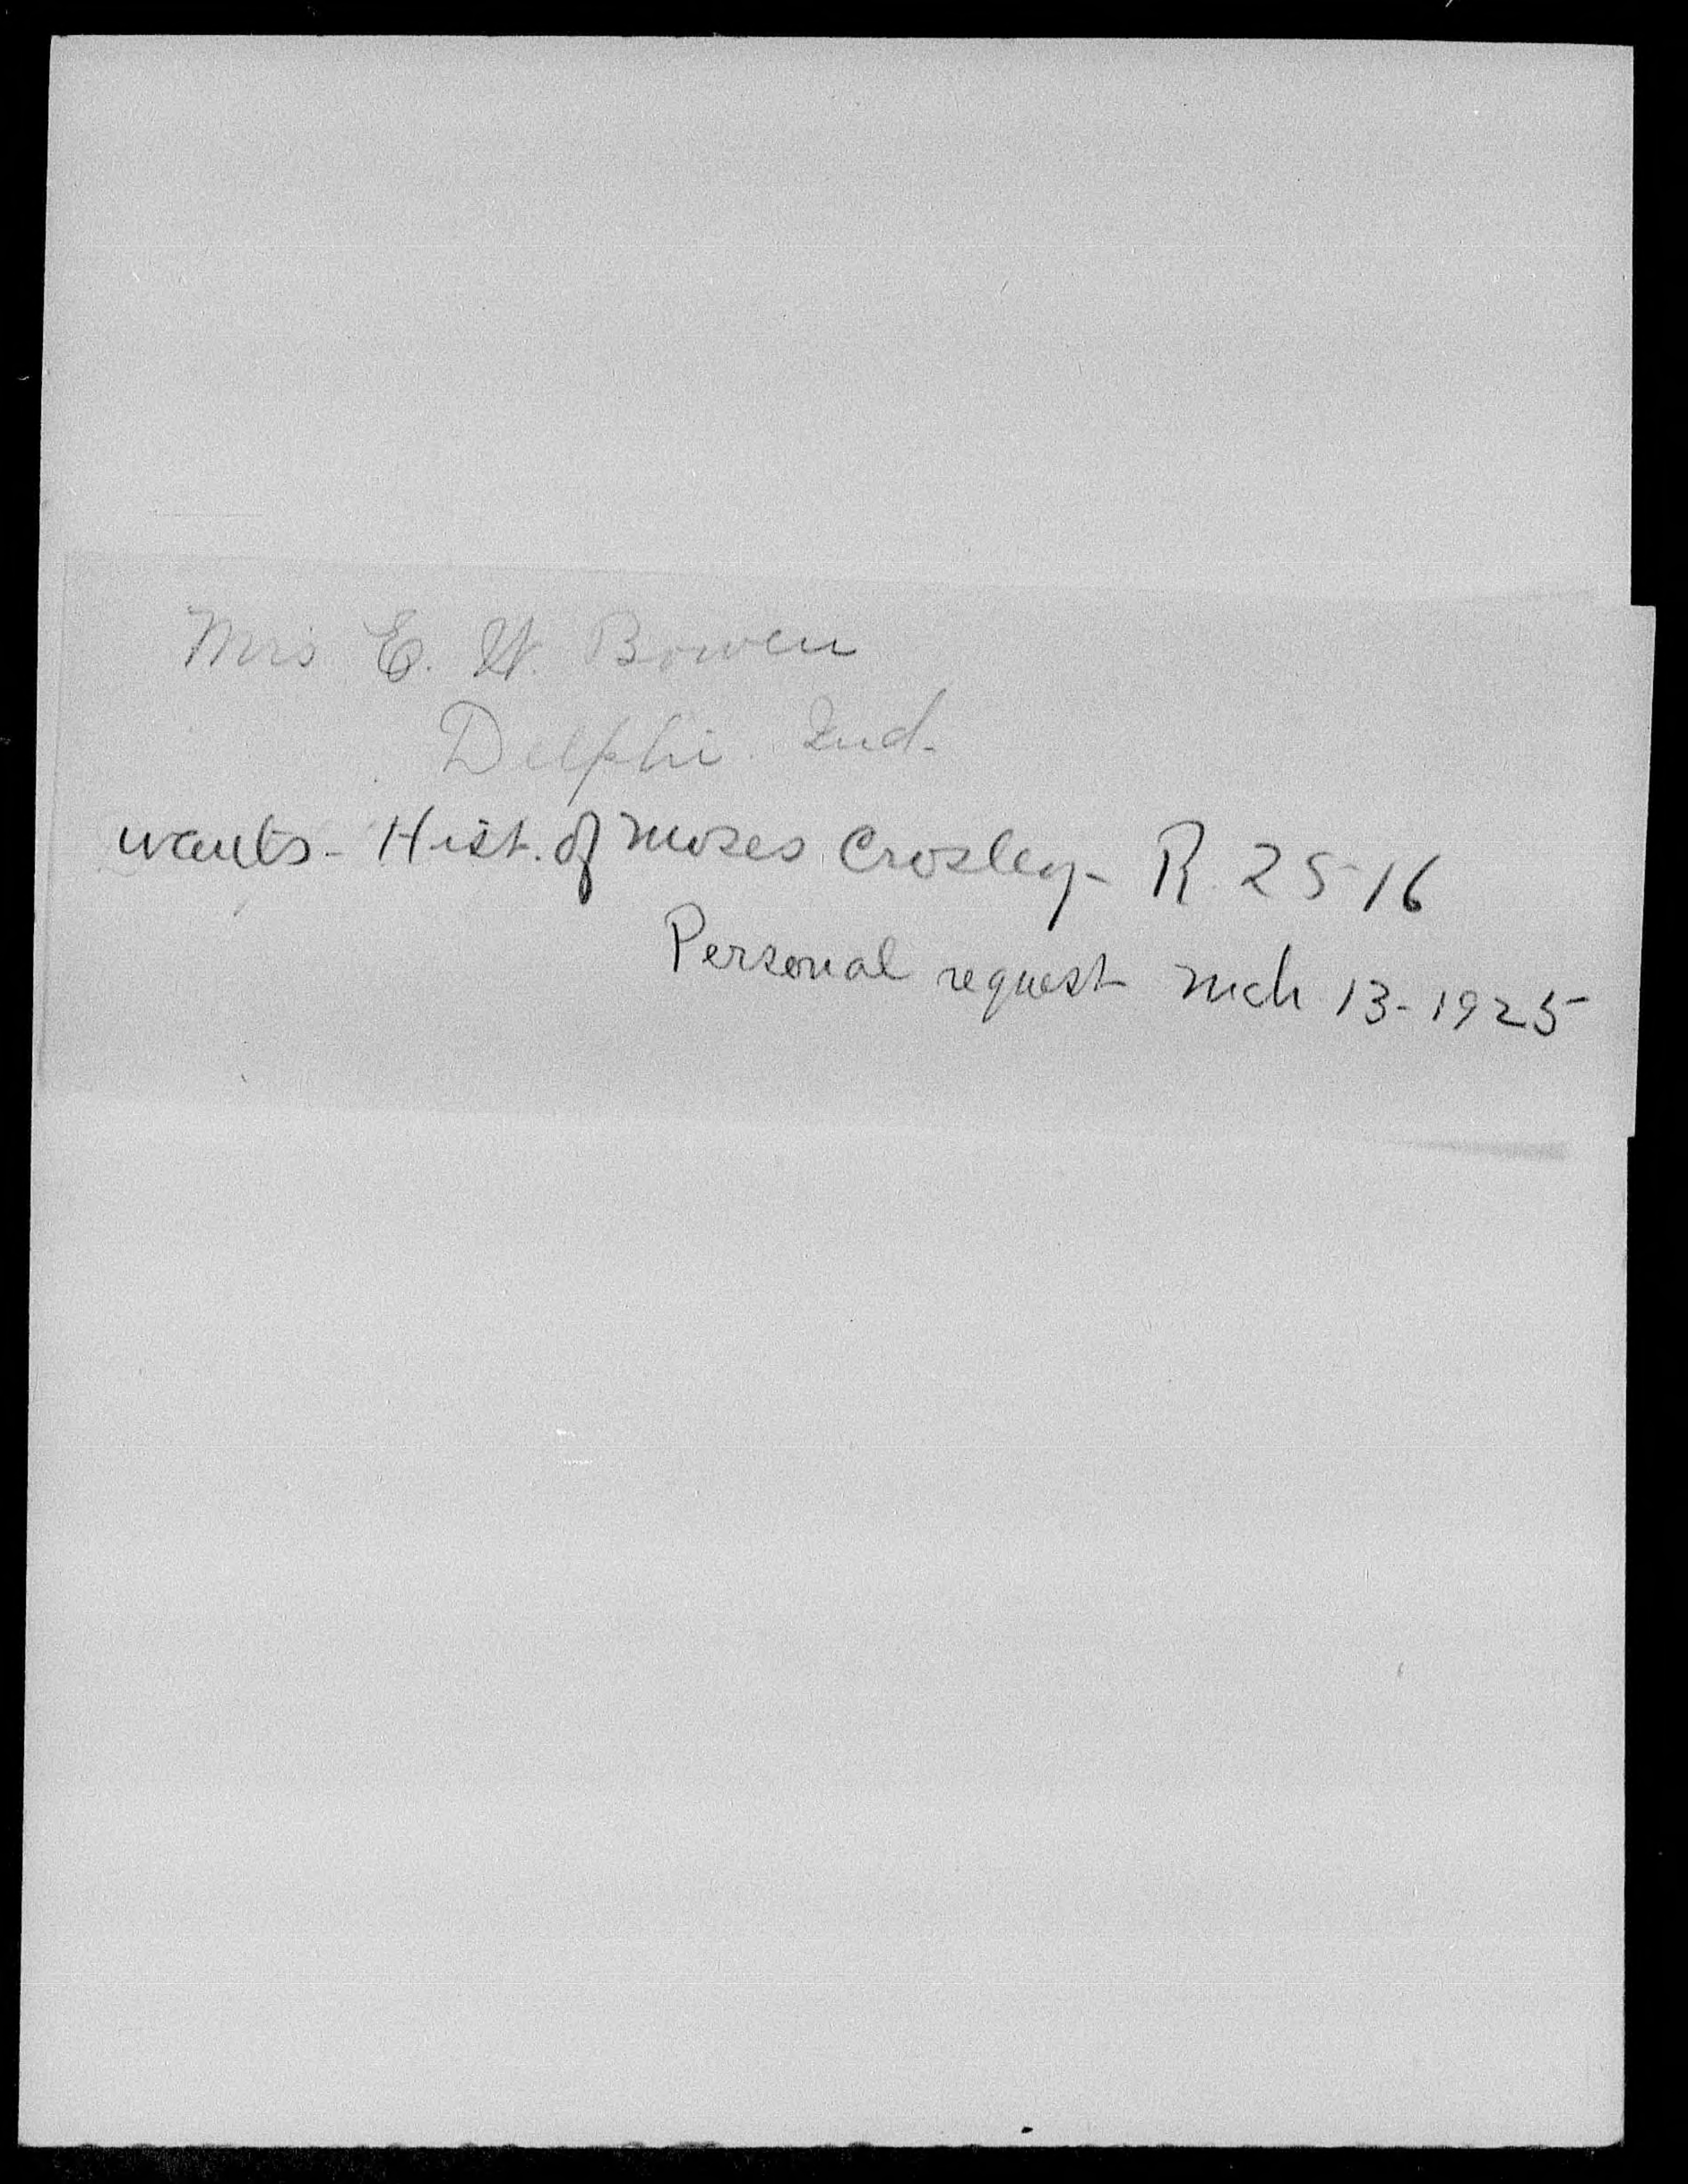Mrs E. W. Bowen
Delphi Ind
wants - Hist of Moses Crosley - R. 25-16
Personal request Mch 13, 1925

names: E W Bowen, Moses Crosley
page: 26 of 37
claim: rejected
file: R. 2516, Moses Crosley, Md.